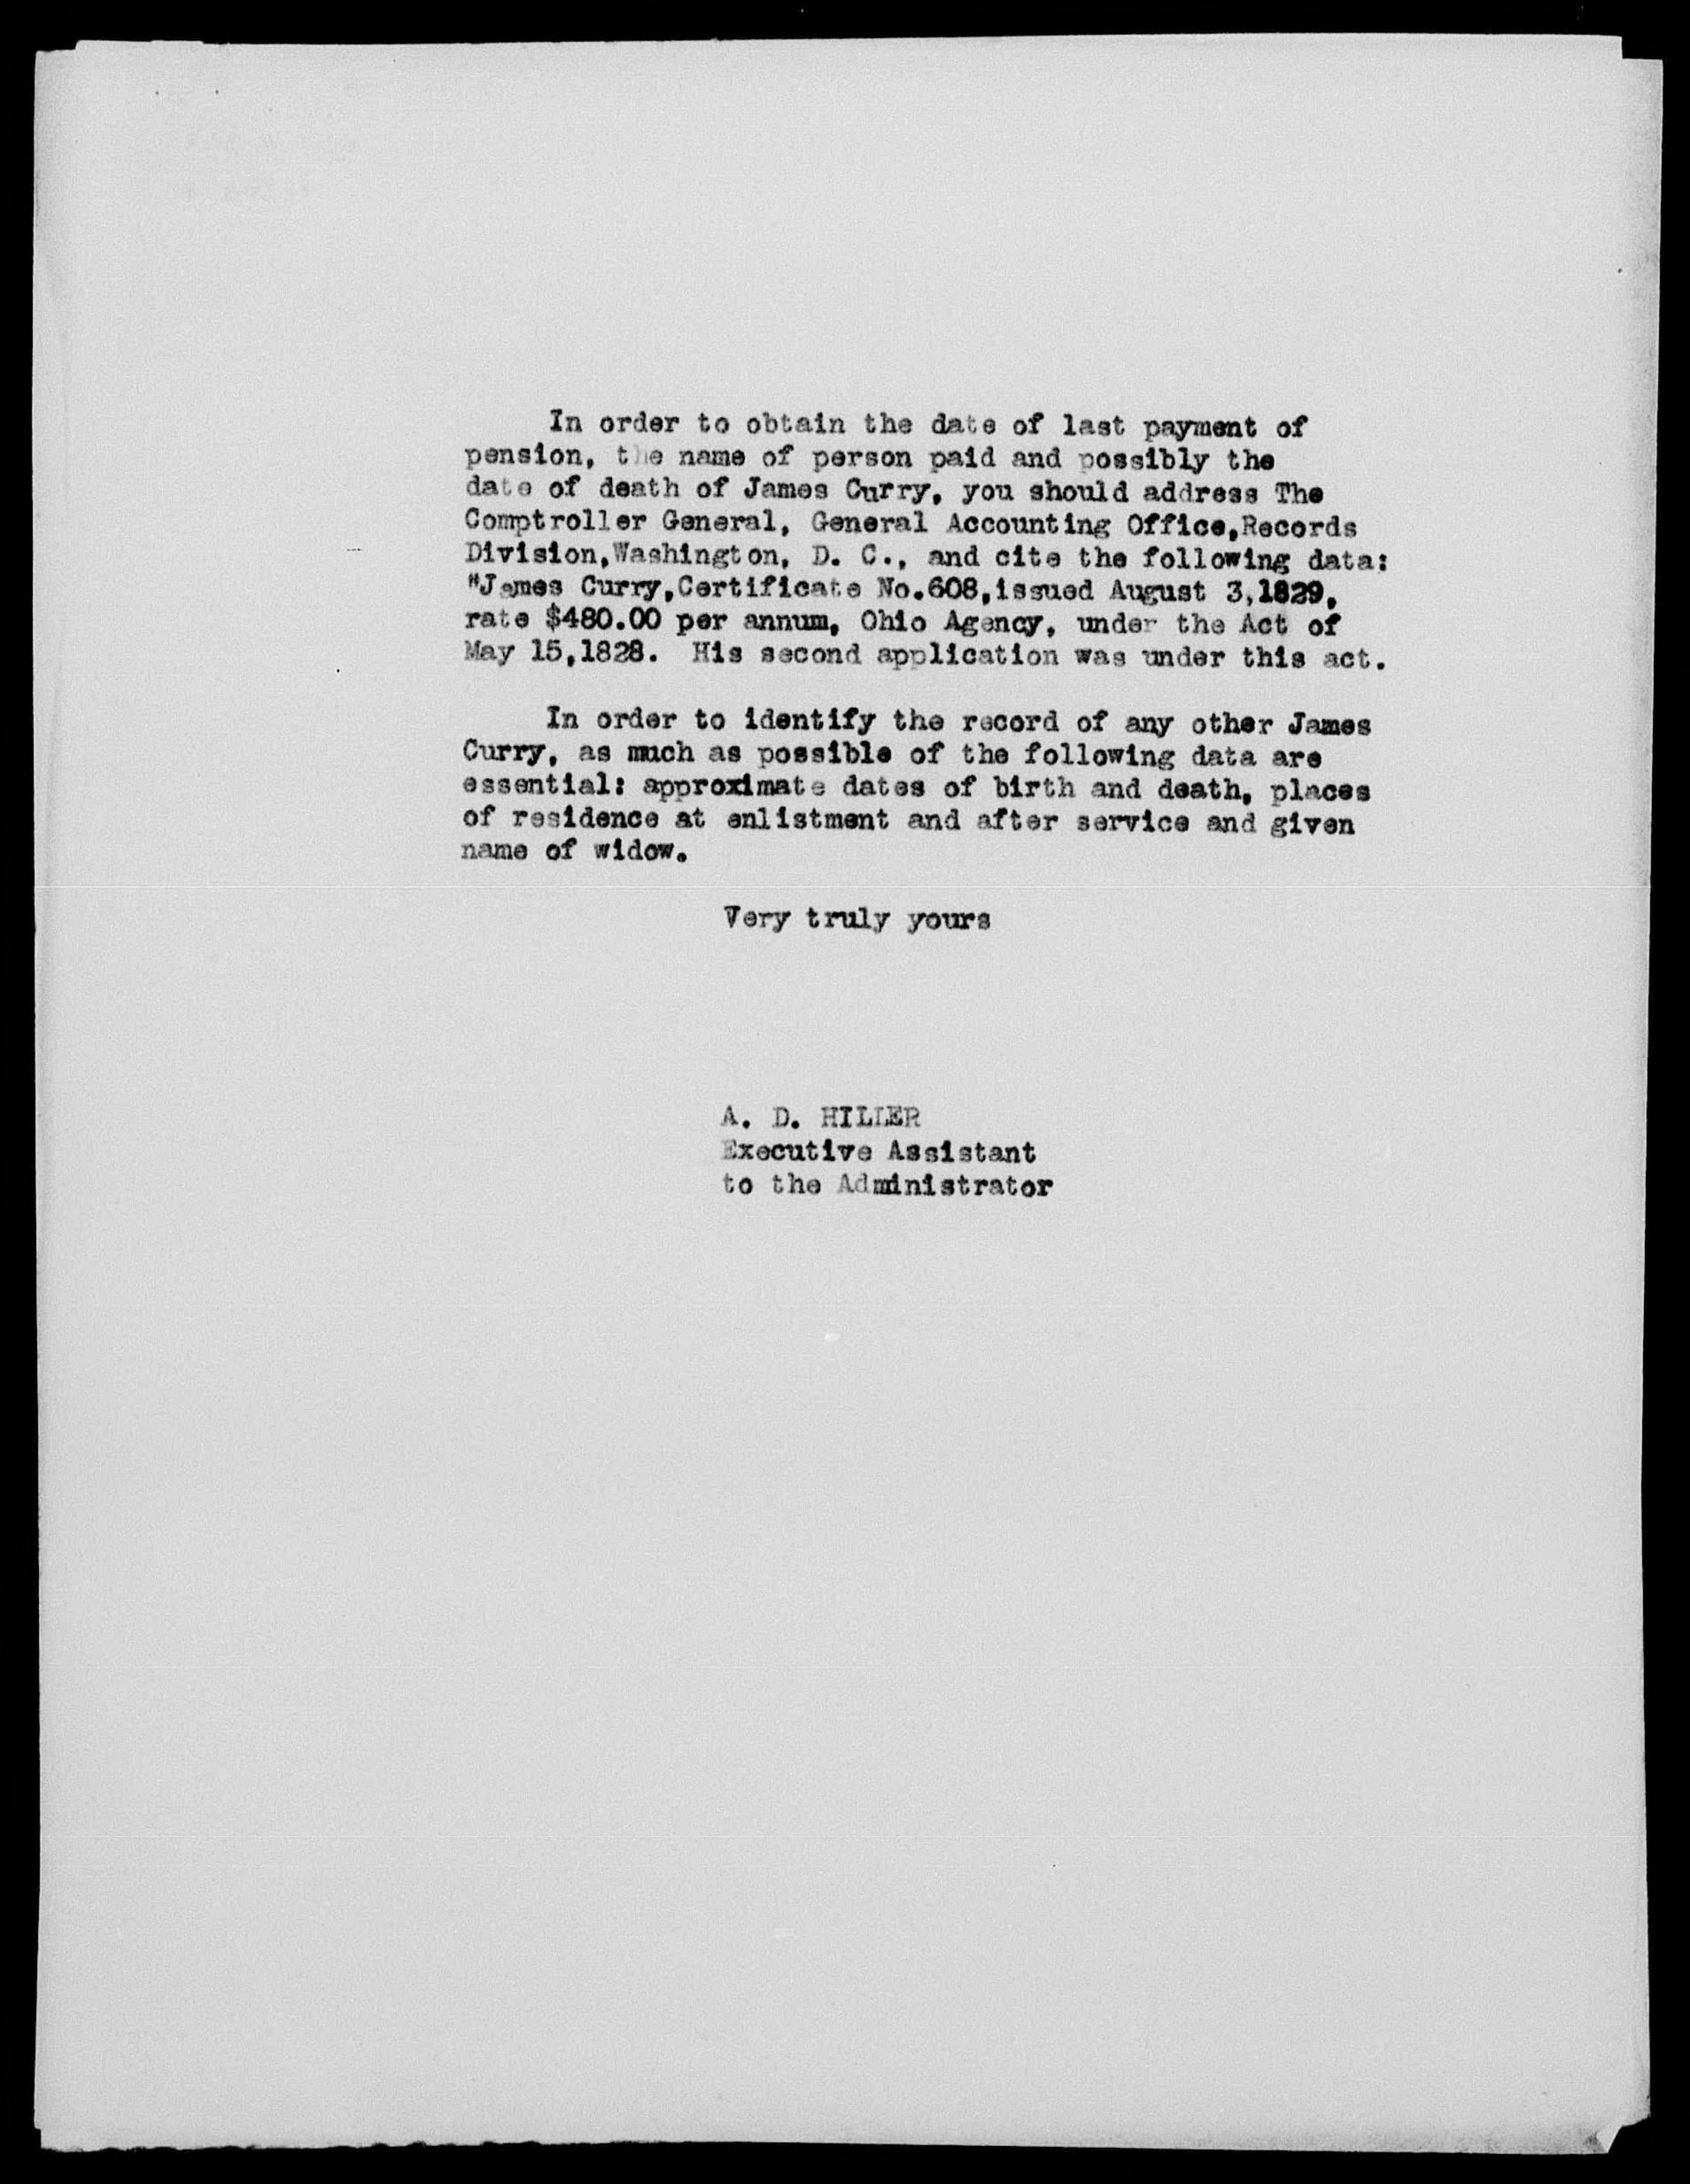In order to obtain the date of last payment of pension, the name of the person paid and possibly the date of death of James Curry, you should address The Comptroller General, General Accounting Office, Records Division, Washington, D.C., and cite the following data:  "James Curry, Certificate No. 606, issued August 3, 1829, rate $480.00 per annum, Ohio Agency, under the Act of May 15, 1828.  His second application was under this act.

In order to identify the record of any other James Curry, as much as possible of the following data are essential:  approximate dates of birth and death, places of residence at enlistment and after service and given name of widow.

Very Truly yours


A.D. Hilier
Executive Assistant
to the Administrator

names: James Curry, James Curry, James Curry, A D Hiller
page: 9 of 32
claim: survivor's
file: S. 44230, James Curry, Va.